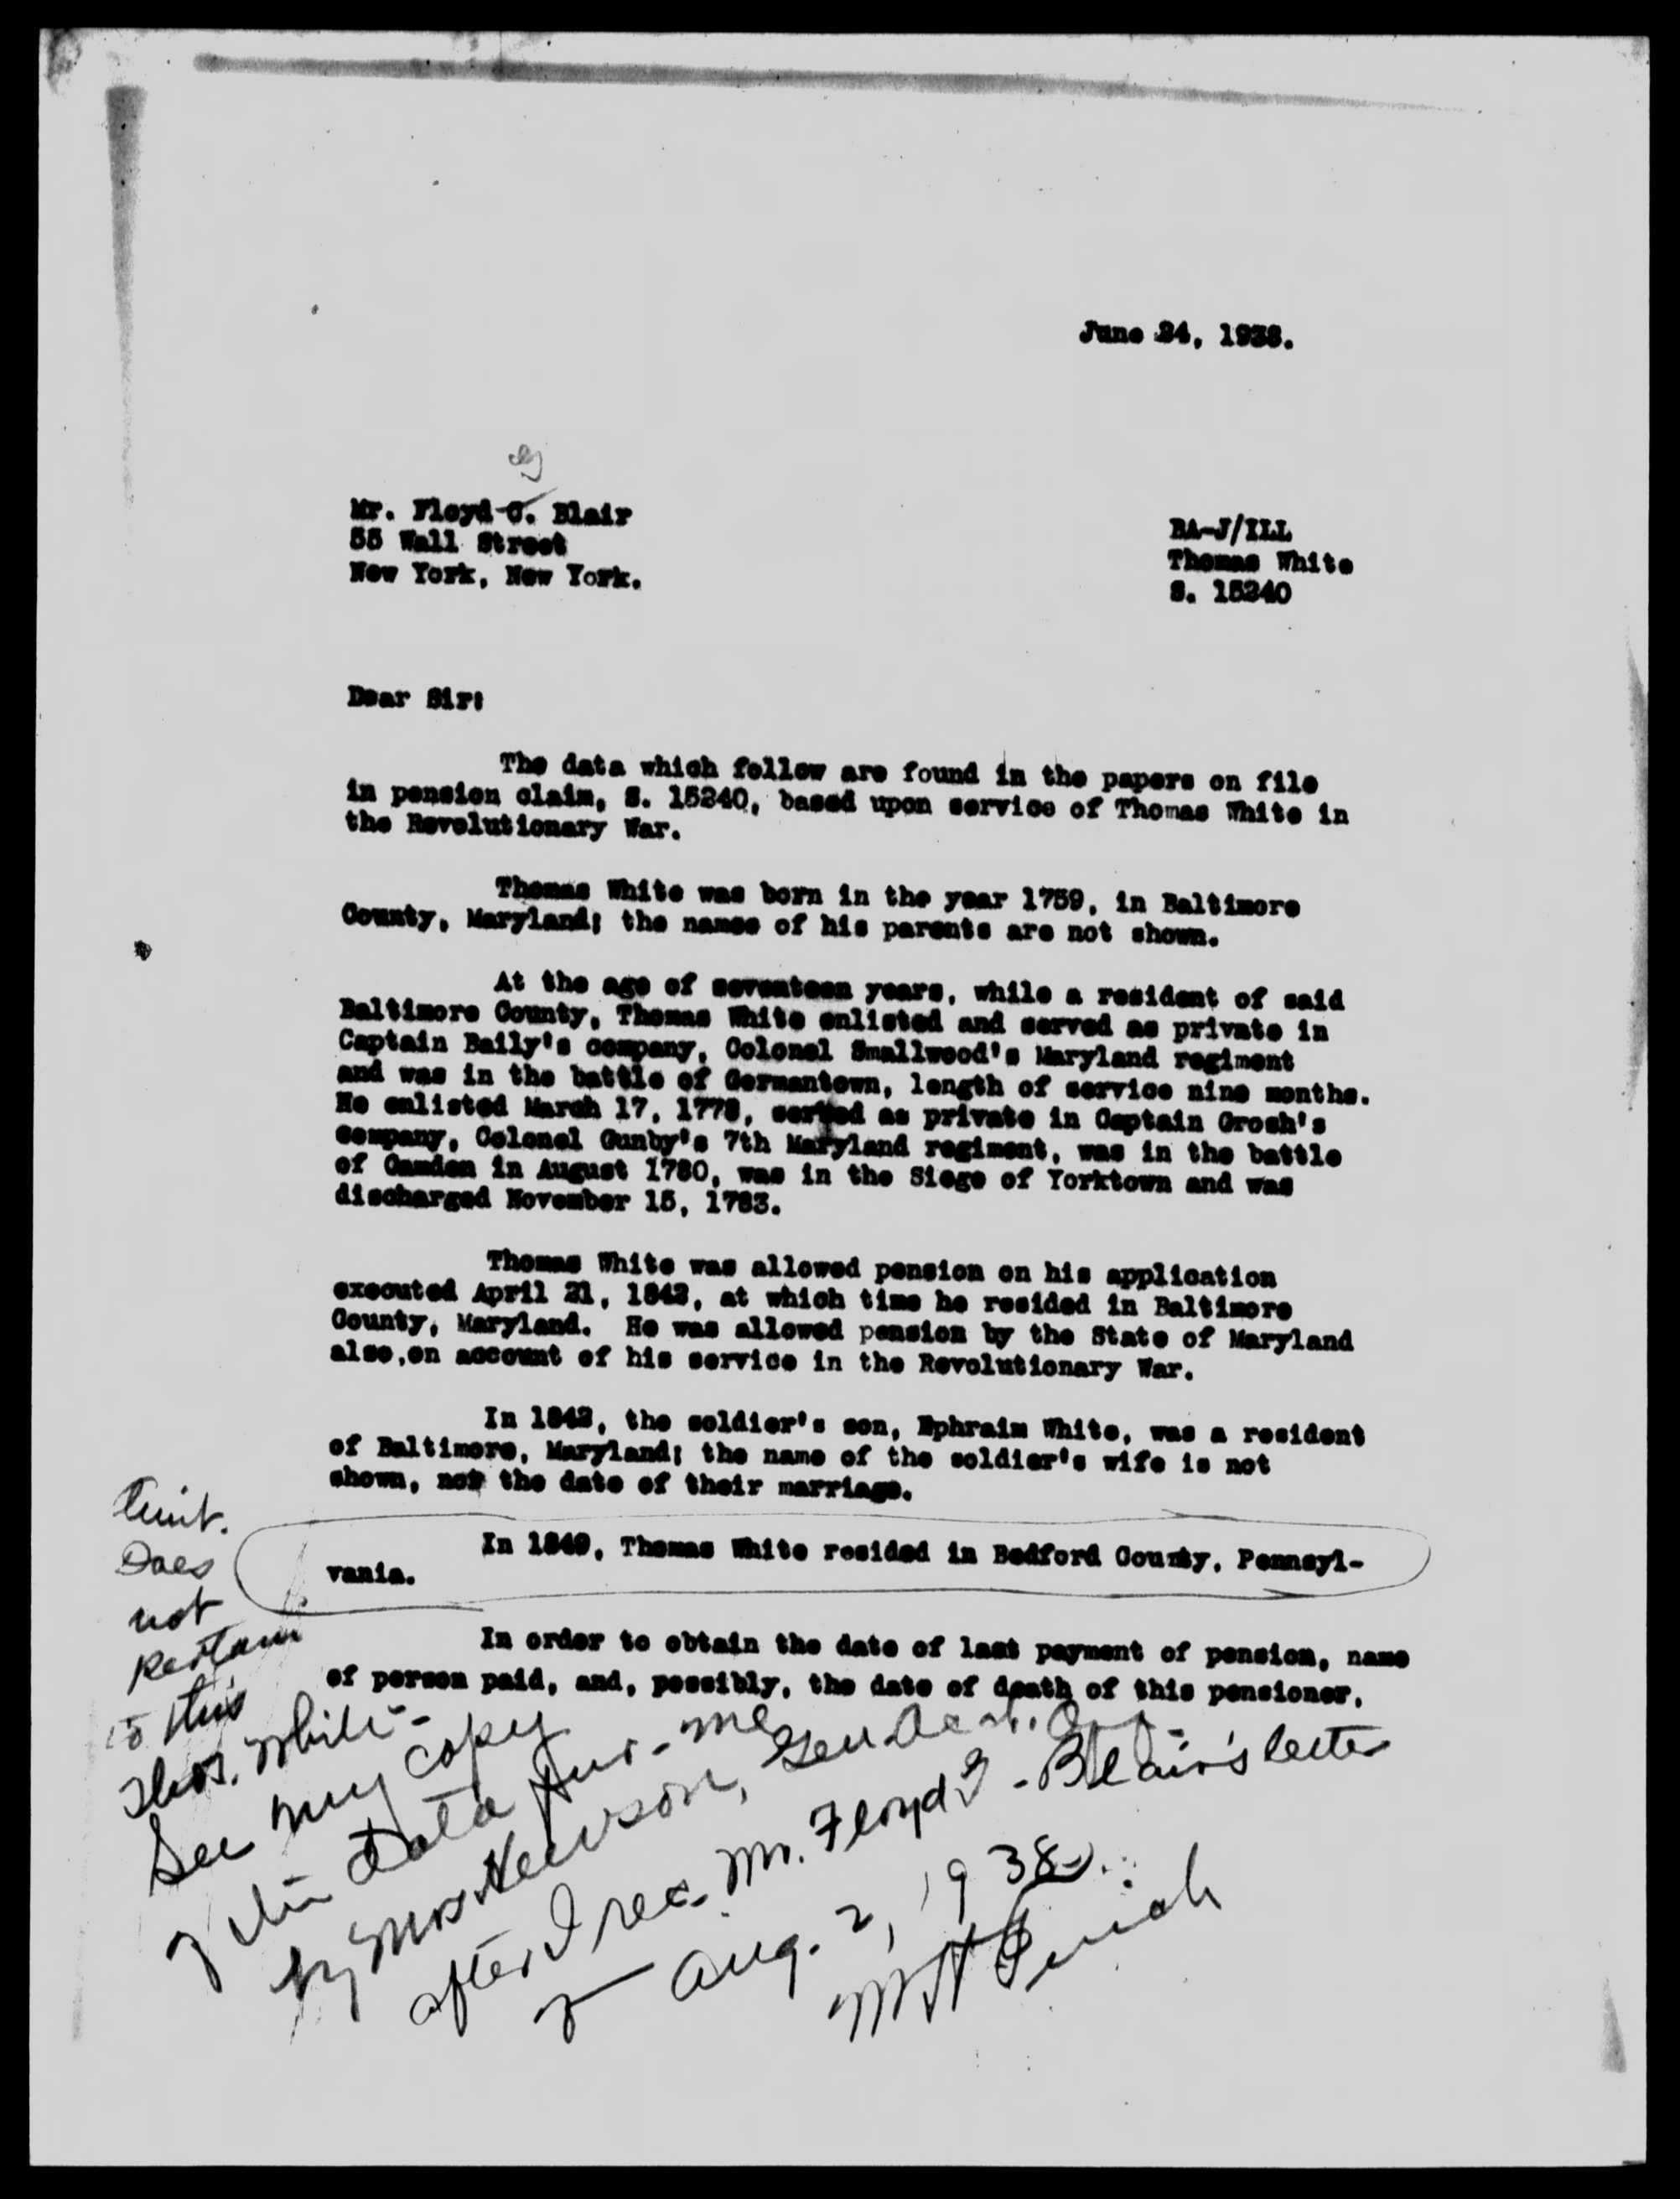June 24, 1938.

Mr. Floyd [struck out: C.] G. Blair | BA-J/ILL
55 Wall Street | Thomas White
New York, New York. | S. 15240

Dear Sir:

The data which follow are found in the papers on file 
in pension claim, S. 15240, based upon service of Thomas White in 
the Revolutionary War.

Thomas White was born in the year 1759, in Baltimore 
County, Maryland; the names of his parent are not shown.

At the age of seventeen years, while a resident of said 
Baltimore County, Thomas White enlisted and served as private in 
Captain Baily's company, Colonel Smallwood's Maryland regiment 
and was in the battle of Germantown, length of service nine months. 
He enlisted March 17, 1778, served as private in Captain Gresh's 
company, Colonel Gunby's 7th Maryland regiment, was in the battle 
of Camden in August 1780, was in the siege of Yorktown and was 
discharged November 15, 1783.

Thomas White was allowed pension on his application 
executed April 21, 1842, at which time he resided in Baltimore 
County, Maryland.  He was allowed pension by the State of Maryland 
also, on account of his service in the Revolutionary War.

In 1842, the soldier's son, Ephraim White, was a resident 
of Baltimore, Maryland; the name of the soldier's wife is not 
shown, nor the date of their marriage.

[The following sentence encircled] In 1849, Thomas White resided in Bedford County, Pennsyl
vania.

In order to obtain the date of last payment of pension, name 
of person paid, and, possibly, the date of death of this pensioner, 

[Note regarding encircled sentence] 
[illegible]Does not pertain to this Thos. White.  See my copy of the data 
fur. me by Mrs. Hewson, Gen. Acct. Off. after I rec. Mr.Floyd G. Blair's letter 
of Aug. 2, 1938.
M H Finch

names: Floyd G Blair, M H Finch, Thomas White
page: 34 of 43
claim: survivor's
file: S. 15240, Thomas White, Md.